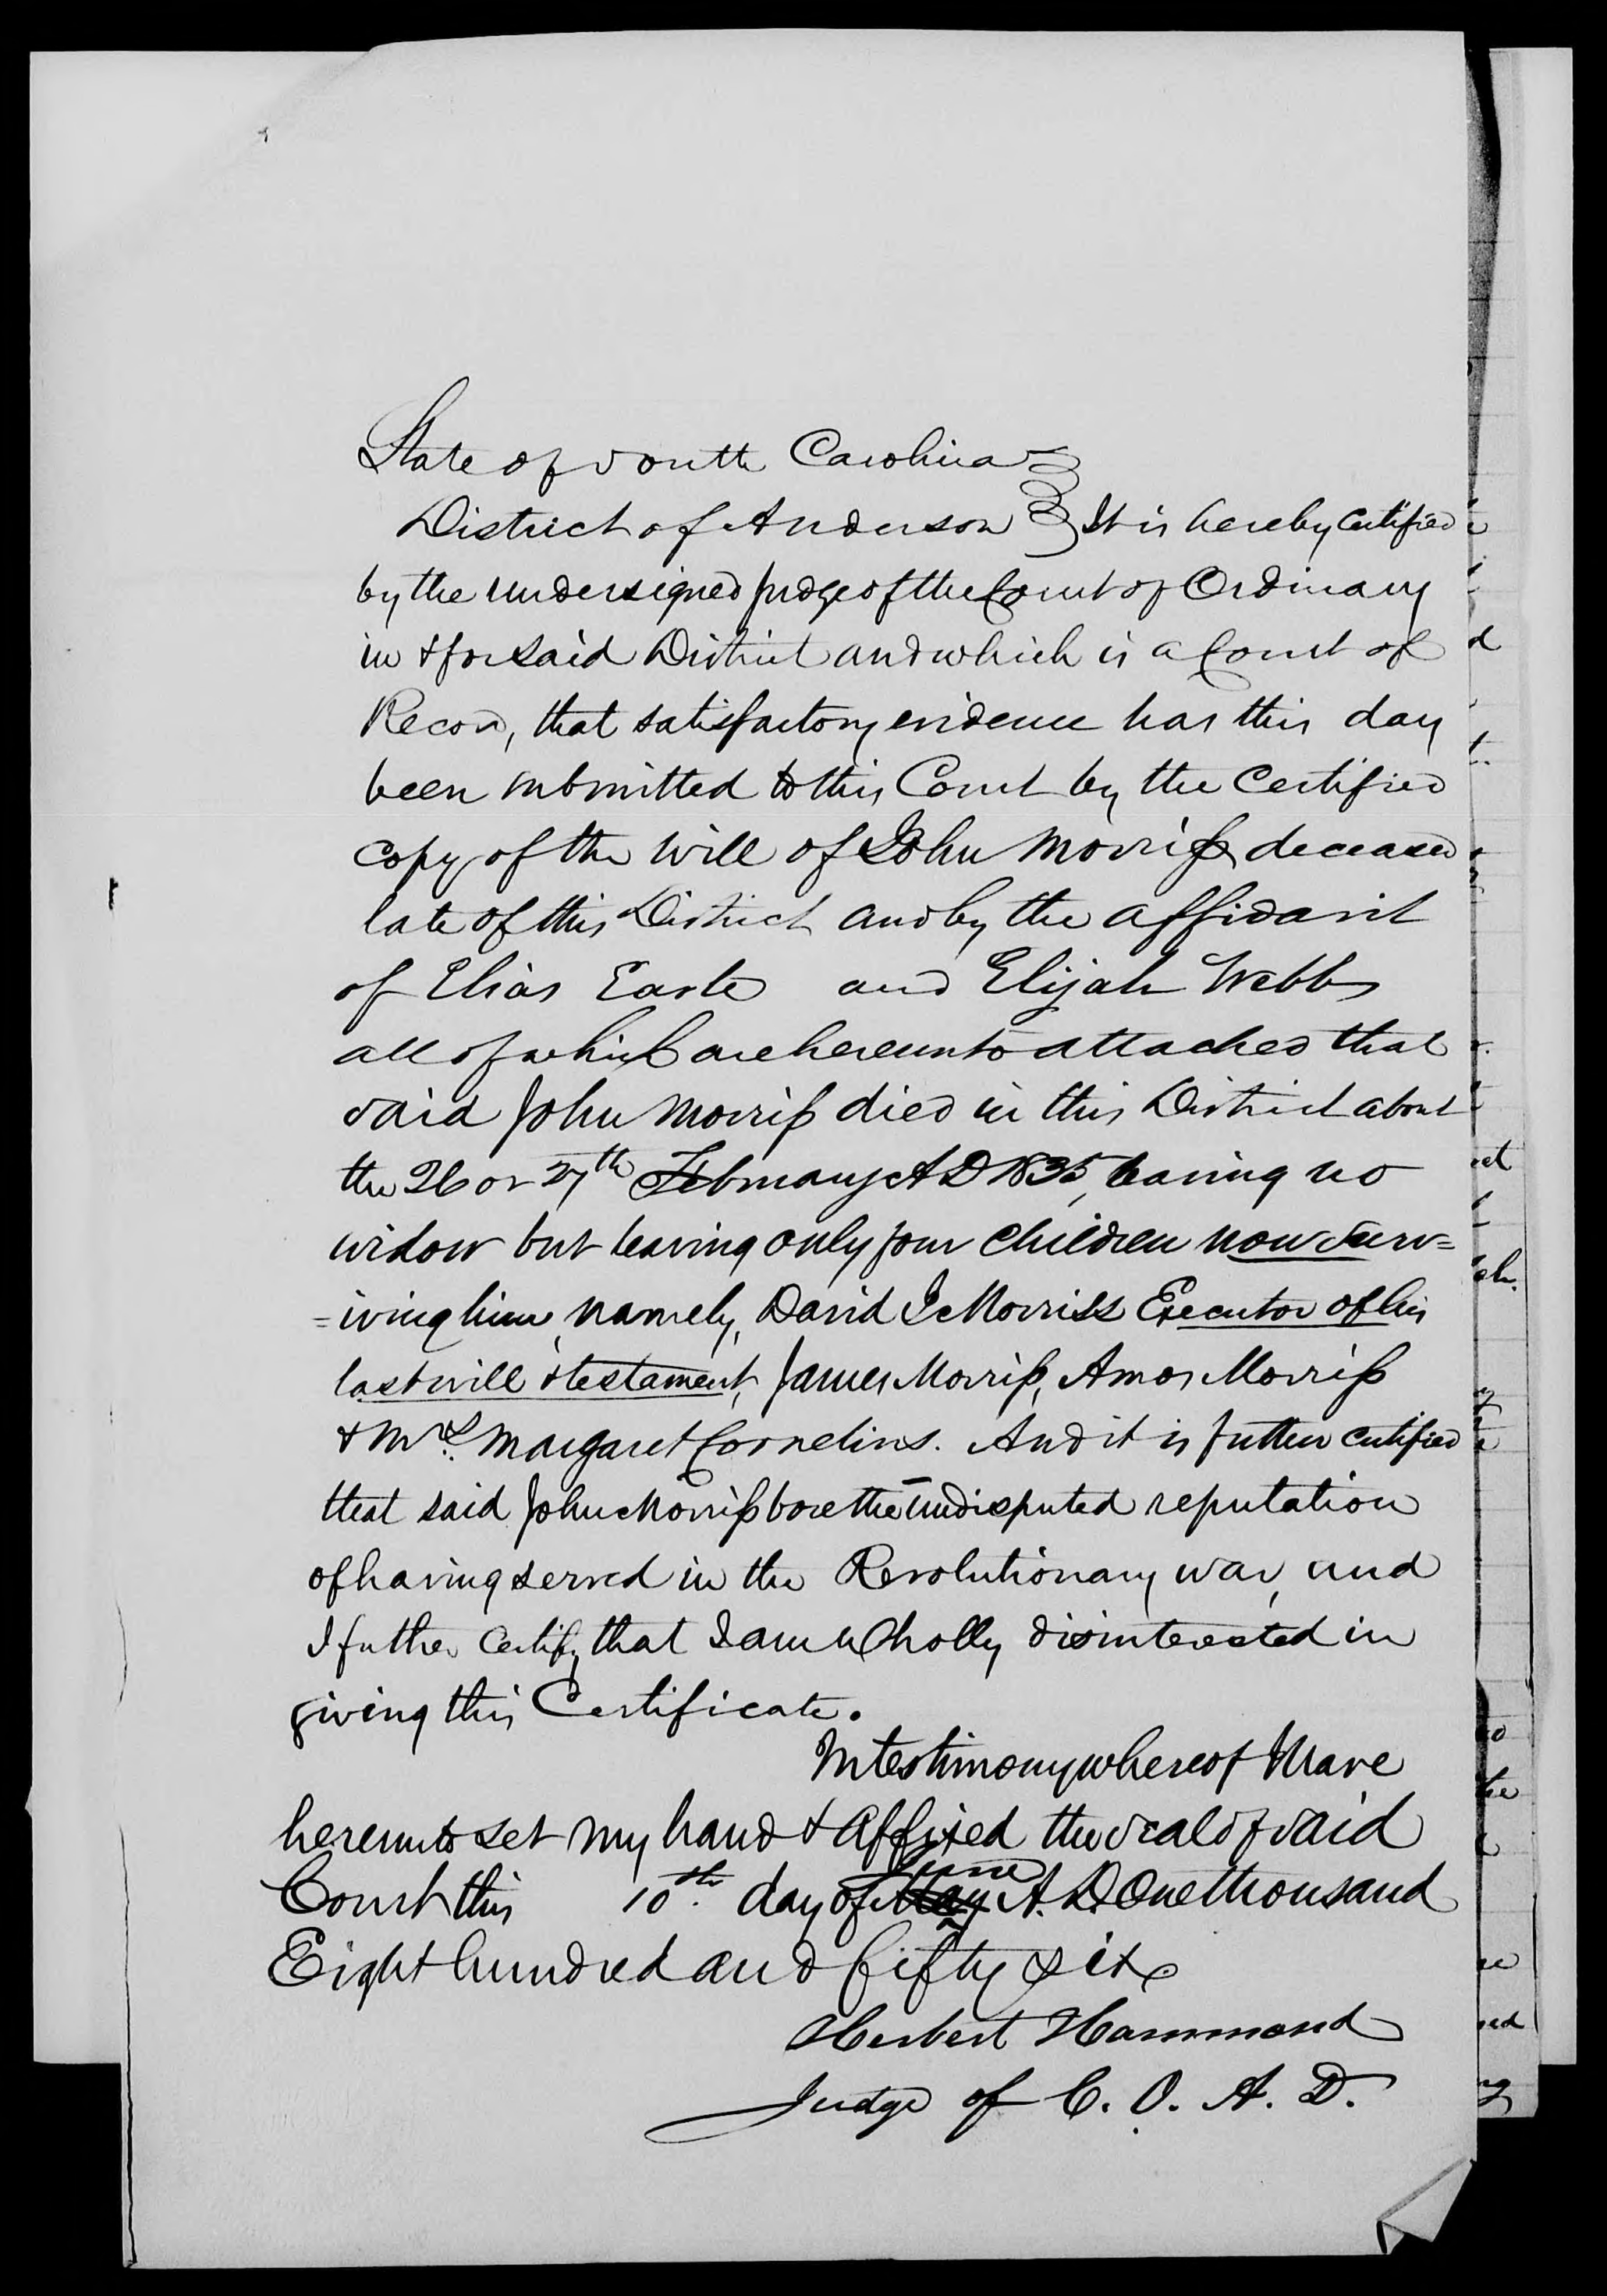State of South Carolina
District of Anderson  It is hereby certified by the undersigned Judge of the Court of Ordinary in & for said District and which is a Court of
Record, that satisfactory evidence has this day been submitted to this Court by the certified copy of the Will of John Morris deceased late of this District and by the affidavit
of Elias Earle and Elijah Webb
all of which are hereunto attached that said John Morris died in this District about the 26 or 27th February AD 1835, leaving no widow but leaving only four children now surviving him namely, David J Morris Executor of his last will & testament, James Morris, Amos Morriss
& Mrs Margaret Cornelius. And it is further certified that said John Morriss bore the undisputed reputation of having served in the Revolutionary war and I further certify that I am wholly disinterested in
giving this Certificate. In testimony whereof are hereunto set my hand & affixed the seal of said Court this
the 10th day of May A.D. One thousand Eight hundred and fifty six
s/ Herbert Hammond
Judge of C.O. A.D.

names: Elijah Webb; Amos Morriss; Margaret Cornelius; James Morriss; John Morriss; Elias Earle; David J Morriss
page: 8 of 20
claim: rejected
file: R. 7407, for John Morriss, South Carolina